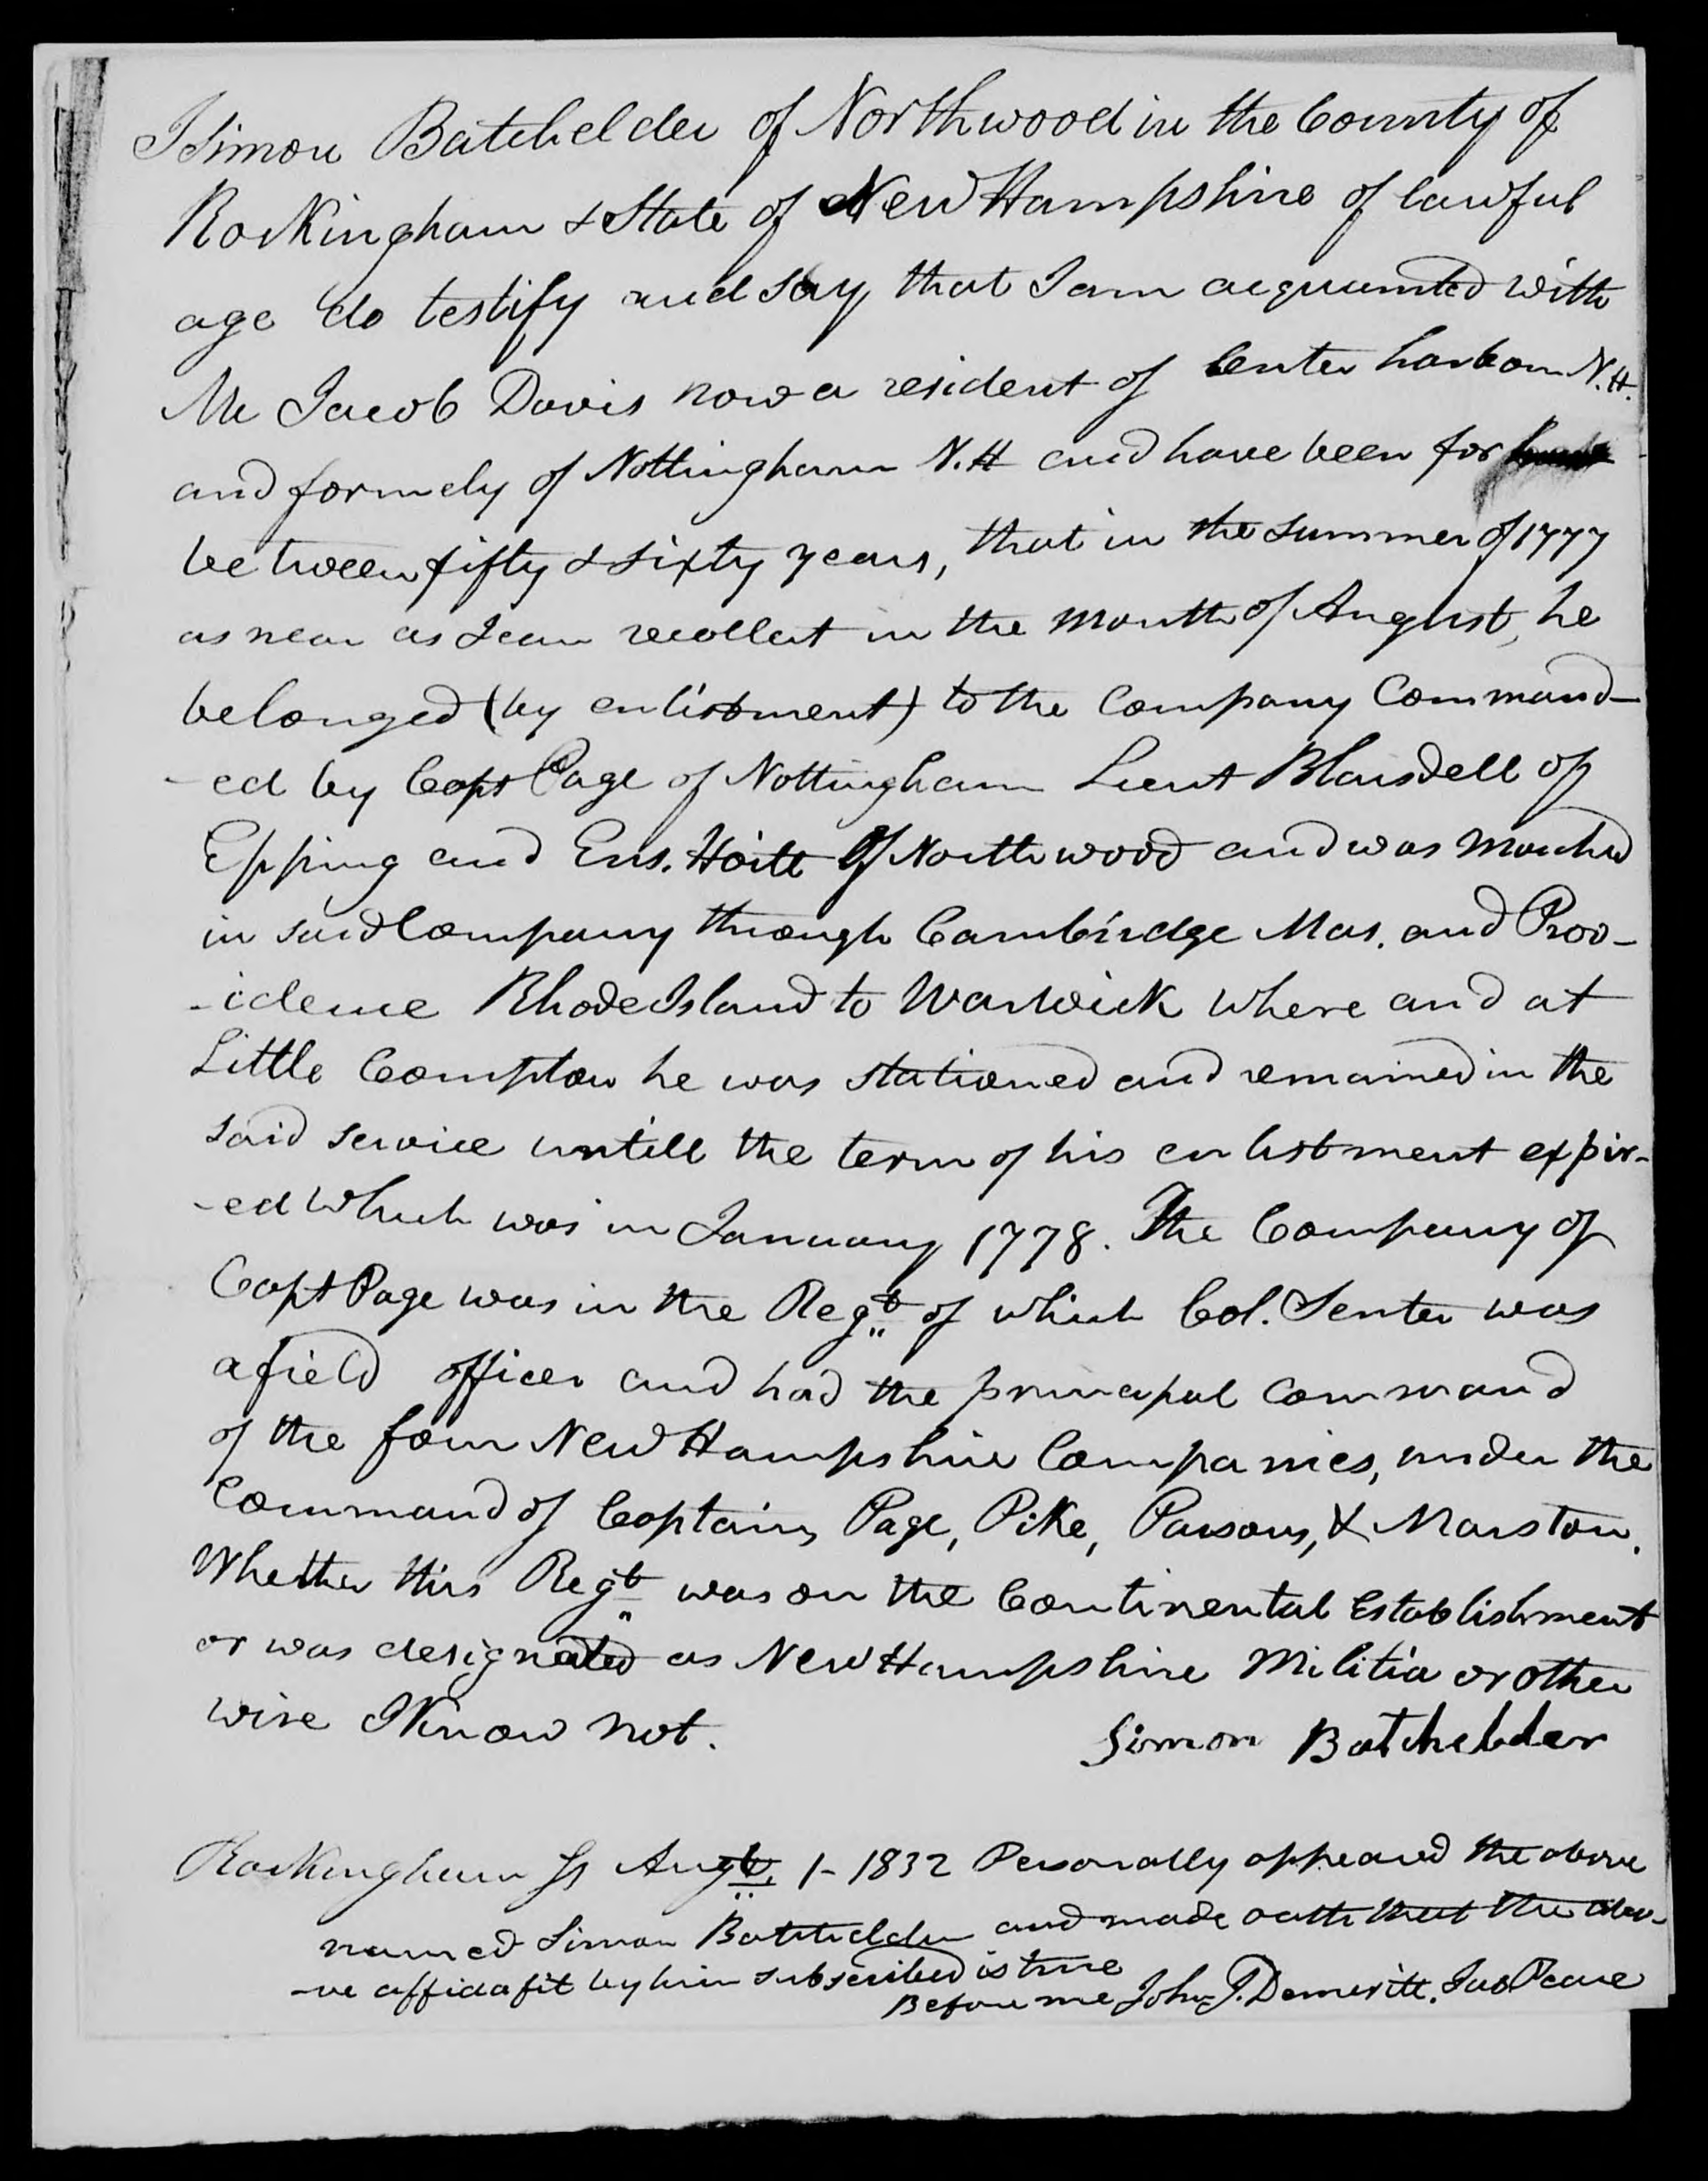Simon Batchelder of Northwood in the County of
Rockingham and State of New Hampshire of lawful
age do testify and say that I am acquainted with Mr
Jacob Davis now a resident of Center harbor N. H.
and formerly of Nottingham N.H. and have been for
between fifty and sixty years, that in the summer of 1777
as near as I can recollect in the month of August, he
belonged (by enlistment) to the company commanded by Capt Page of Nottingham Lieut Blaisdell of Epping and Ens. Hoitt of Northwood and was marched in said Company through Cambridge Mass. and Providence Rhode Island to Warwick where and at Little Compton he was stationed and remained in the said service untill the term of his enlistment expired which was in January 1778. The Company of Capt Page was in the Regt of which Col. Senter was a field officer and had the principal command
of the four New Hampshire Companies, under the
command of Captains Page, Pike, Parsons, and Marston.
Whether this Regt was on the Continental Establishment
or was designated as New Hampshire Militia or otherwise I know not.
Simon Batchelder
Rockingham ss Aug 11 1832 Personally appeared the above named Simon Batchelder and made oath that the
above affidavit by him subscribed is true
Before me John J. Demeritt, Jus Peace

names: Jacob Davis, Page, Simon Batchelder, John J Demeritt, Blaisdell, Pike, Simon Batchelder, Page, Simon Batchelder, Marston, Page, Hoitt, Parsons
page: 27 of 47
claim: widow's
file: W. 24043, Jacob Davis, N.H.